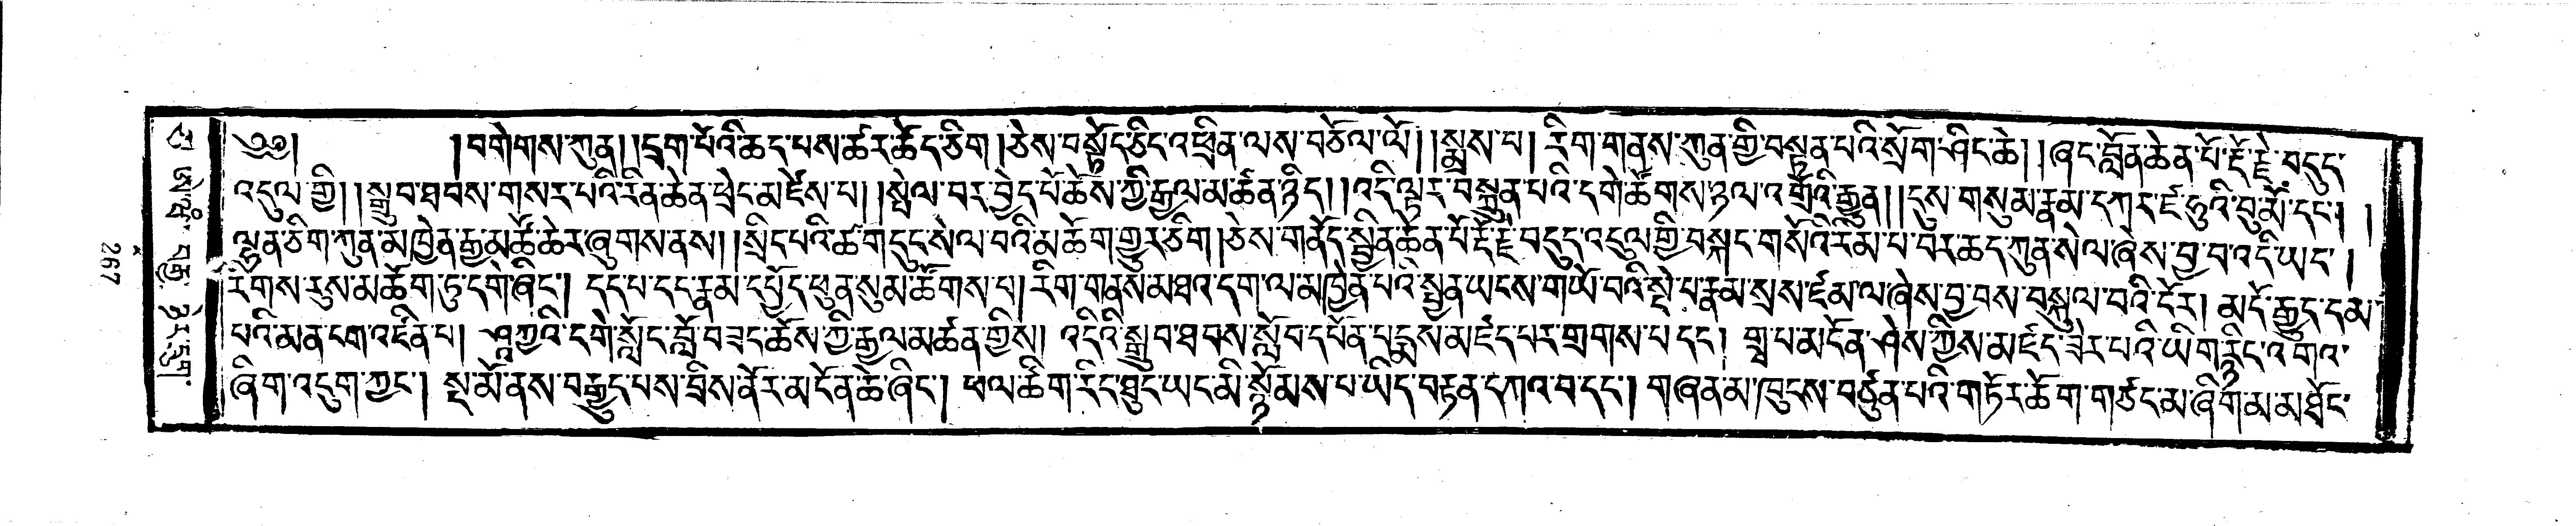༄༅། །བགེགས་ཀུན། །དྲག་པོའི་ཆད་པས་ཚར་ཆོད་ཅིག །ཅེས་བསྟོད་ཅིང་འཕྲིན་ལས་བཅོལ་ལོ། །སྨྲས་པ། རིག་གནས་ཀུན་གྱི་བསྟན་པའི་སྲོག་ཤིང་ཆེ། །ཞང་བློན་ཆེན་པོ་རྡོ་རྗེ་བདུད་
འདུལ་གྱི། །སྒྲུབ་ཐབས་གསར་པའི་རིན་ཆེན་ཕྲེང་མཛེས་པ། །སྤེལ་བར་བྱེད་པོ་ཆོས་ཀྱི་རྒྱལ་མཚན་ཉིད། །འདི་ལྟར་བསྐྲུན་པའི་དགེ་ཚོགས་ཉལ་འགྲོའི་རྒྱུན། །དུས་གསུམ་རྣམ་དཀར་ཛ་ཧུའི་བུ་མོ་དང་། །
ལྷན་ཅིག་ཀུན་མཁྱེན་རྒྱ་མཚོ་ཆེར་ཞུགས་ནས། །སྲིད་པའི་ཚ་གདུང་སེལ་བའི་མཆོག་གྱུར་ཅིག །ཅེས་གནོད་སྦྱིན་ཆེན་པོ་རྡོ་རྗེ་བདུད་འདུལ་གྱི་བསྐང་གསོའི་རིམ་པ་བར་ཆད་ཀུན་སེལ་ཞེས་བྱ་བ་འདི་ཡང་།
རིགས་རུས་མཆོག་ཏུ་དགེ་ཞིང་། དད་པ་དང་རྣམ་དཔྱོད་ཕུན་སུམ་ཚོགས་པ། རིག་གནས་མཐའ་དག་ལ་མཁྱེན་པའི་སྤྱན་ཡངས་གཡོ་བའི་སྡེ་པ་རྣམ་སྲས་ཛམ་ལ་ཞེས་བྱ་བས་བསྐུལ་བའི་ངོར། མདོ་རྒྱུད་དམ་
པའི་མན་ངག་འཛིན་པ། ཤཱཀྱའི་དགེ་སློང་བློ་བཟང་ཆོས་ཀྱི་རྒྱལ་མཚན་གྱིས། འདིའི་སྒྲུབ་ཐབས་སློབ་དཔོན་པདམས་མཛད་པར་གྲགས་པ་དང་། གྲྭ་པ་མངོན་ཤེས་ཀྱིས་མཛད་ཟེར་བའི་ཡིག་རྙིང་འགའ་
ཞིག་འདུག་ཀྱང་། སྔ་མོ་ནས་བརྒྱུད་པས་བྲིས་ནོར་མངོན་ཆེ་ཞིང་། ཕལ་ཚིག་རིང་ཐུང་ཡང་མི་སྙོམས་པ་ཡིད་བརྟན་དཀའ་བ་དང་། གཞན་མ་ཁུངས་བཙུན་པའི་གཏོར་ཆོག་གཙང་མ་ཞིག་མ་མཐོང་